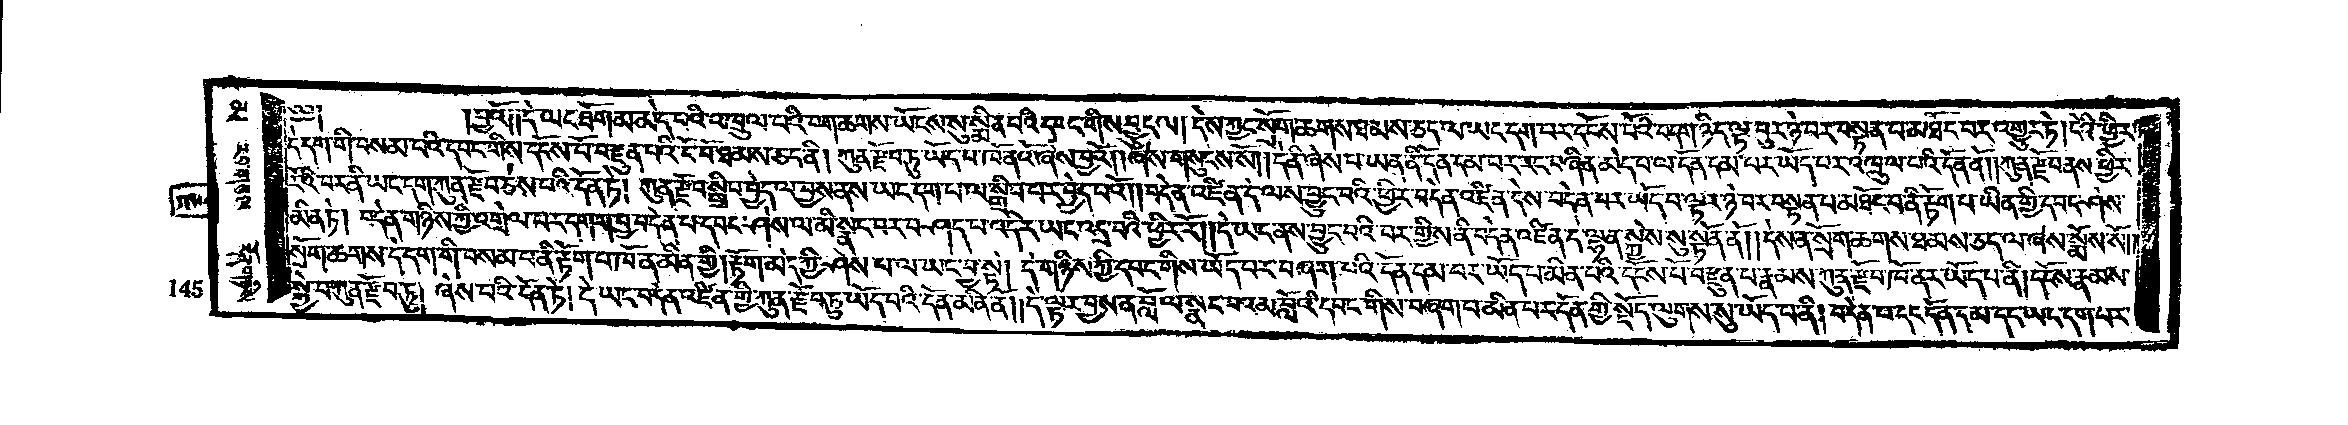༄༅། །བྱའོ། །དེ་ཡང་ཐོག་མ་མེད་པའི་འཁྲུལ་པའི་བག་ཆགས་ཡོངས་སུ་སྨིན་པའི་དབང་གིས་བྱུང་ལ། དེས་ཀྱང་སྲོག་ཆགས་ཐམས་ཅད་ལ་ཡང་དག་པར་དངོས་པོའི་བདག་ཉིད་ལྟ་བུར་ཉེ་བར་བསྟན་པ་མཐོང་བར་འགྱུར་ཏེ། དེའི་ཕྱིར་
དེ་དག་གི་བསམ་པའི་དབང་གིས་དངོས་པོ་བརྫུན་པའི་ངོ་བོ་ཐམས་ཅད་ནི། ཀུན་རྫོབ་ཏུ་ཡོད་པ་ཁོ་ནའོ་ཞེས་བྱའོ། །ཞེས་གསུངས་སོ། །དེ་ནི་ཞེས་པ་ཡན་ནི་དོན་དམ་པར་རང་བཞིན་མེད་པ་ལ་དོན་དམ་པར་ཡོད་པར་འཁྲུལ་པའི་དོན་ནོ། །ཀུན་རྫོབ་ནས་ཕྱིར་
རོའི་བར་ནི་ཡང་དག་ཀུན་རྫོབ་ཅེས་པའི་དོན་ཏེ། ཀུན་རྫོབ་སྒྲིབ་བྱེད་ལ་བྱས་ནས་ཡང་དག་པ་ལ་སྒྲིབ་པར་བྱེད་པའོ། །བདེན་འཛིན་དེ་ལས་བྱུང་བའི་ཕྱིར་བདེན་འཛིན་དེས་བདེན་པར་ཡོད་པ་ལྟར་ཉེ་བར་བསྟན་པ་མཐོང་བ་ནི་རྟོག་པ་ཡིན་གྱི་དབང་ཤེས་
མིན་ཏེ། བདེན་གཉིས་ཀྱི་འགྲེལ་པར་དགག་བྱ་བདེན་པ་དབང་ཤེས་ལ་མི་སྣང་བར་བཤད་པ་འདིར་ཡང་འདྲ་བའི་ཕྱིར་རོ། །དེ་ཡང་ནས་བྱུང་བའི་བར་གྱིས་ནི་བདེན་འཛིན་དེ་ལྷན་སྐྱེས་སུ་སྟོན་ཏོ། །དེས་ན་སྲོག་ཆགས་ཐམས་ཅད་ལ་ཞེས་སྨོས་སོ། །
སྲོག་ཆགས་དེ་དག་གི་བསམ་པ་ནི་རྟོག་པ་ཁོ་ན་མིན་གྱི། རྟོག་མེད་ཀྱི་ཤེས་པ་ལ་ཡང་བྱ་སྟེ། དེ་གཉིས་ཀྱི་དབང་གིས་ཡོད་པར་བཞག་པའི་དོན་དམ་བར་ཡོད་པ་མིན་པའི་དངོས་པོ་བརྫུན་པ་རྣམས་ཀུན་རྫོབ་ཁོ་ནར་ཡོད་པ་ནི། དངོས་རྣམས་
སྐྱེ་བ་ཀུན་རྫོབ་ཏུ། ཞེས་པའི་དོན་ཏེ། དེ་ཡང་བདེན་འཛིན་གྱི་ཀུན་རྫོབ་ཏུ་ཡོད་པའི་དོན་མིན་ནོ། །དེ་ལྟར་བྱས་ན་བློ་ལ་སྣང་བའམ་བློའི་དབང་གིས་བཞག་པ་མིན་པར་དོན་གྱི་སྡོད་ལུགས་སུ་ཡོད་པ་ནི། བདེན་པ་དང་དོན་དམ་དང་ཡང་དག་པར་